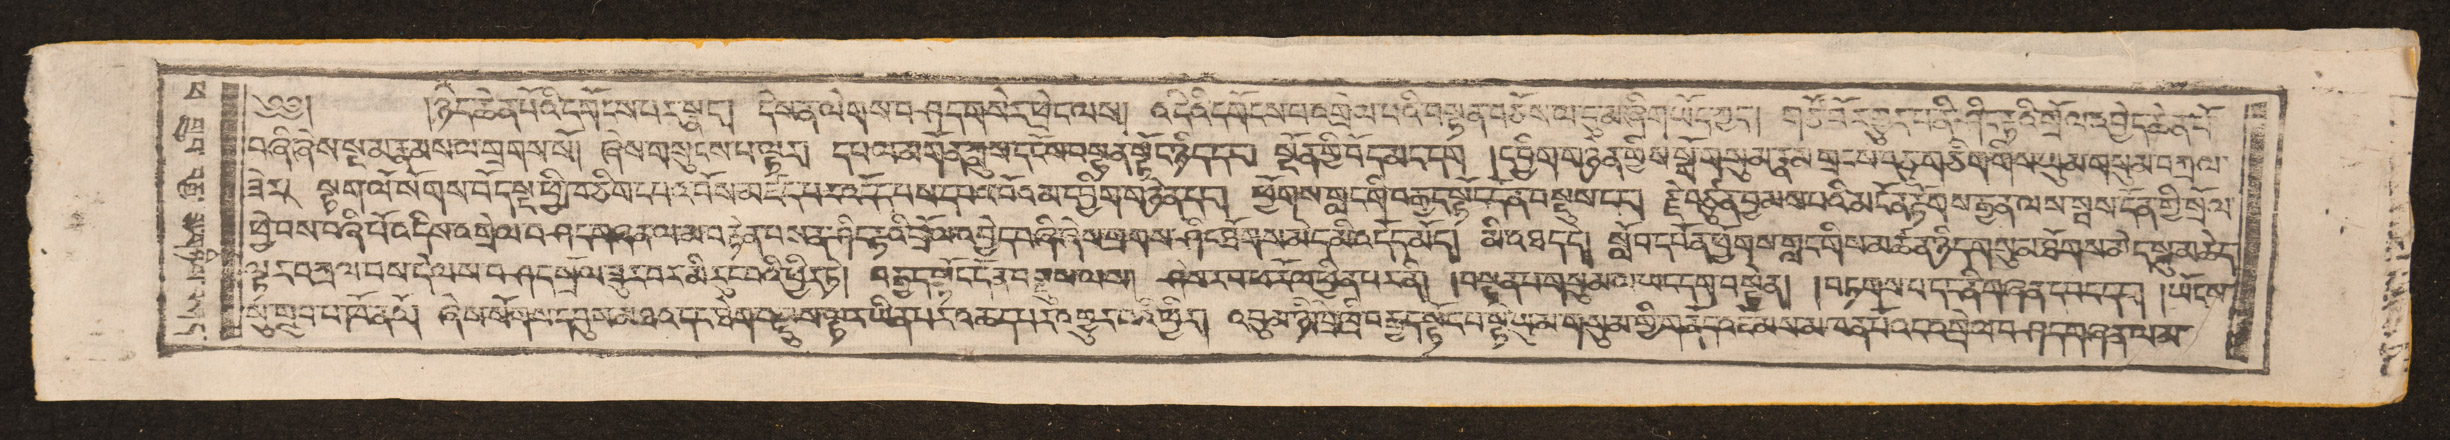༄༅། །ཉིད་ཆེན་པོའི་དགོངས་པར་སྣང་། དེས་ན་ལེགས་བཤད་གསེར་ཕྲེང་ལས། འདིའི་དགོངས་པ་འགྲེལ་པའི་བསྟན་བཅོས་ལ་དུ་མ་ཞིག་ཡོད་ཀྱང་། གཙོ་བོར་གྱུར་པ་ནི་ཤིང་རྟའི་སྲོལ་འབྱེད་ཆེན་པོ་
བཞི་ཞེས་སྔ་མ་རྣམས་ལ་གྲགས་སོ། ཞེས་གསུངས་པ་ལྟར། དཔལ་མགོན་ཀླུས་དངོས་བསྟན་སྟོང་ཉིད་དང་། སྔོན་གྱི་བོད་མང་དག །དབྱིག་གཉེན་གྱིས་སྒོ་གསུམ་རྣམ་གྲངས་བཅུ་གཅིག་གིས་ཡུམ་གསུམ་བཀྲལ་
ཟེར༑ སྟག་ལོ་སོགས་བོད་སྔ་ཕྱི་ཁ་ཅིག་དཔའ་བོས་མཛད་པར་འདོད་པས་དཔའ་བོའམ་དབྱིག་གཉེན་དང་། ཕྱོགས་གླང་གི་བརྒྱད་སྟོང་དོན་བསྡུས་དང་། རྗེ་བཙུན་བྱམས་པའི་མངོན་རྟོགས་རྒྱན་ལས་སྦས་དོན་གྱི་སྲོལ་
ཕྱེ་བས་བཞི་པོ་འདིས་འགྲེལ་བཤད་གཞན་ལ་མ་བརྟེན་པས་ན་ཤིང་རྟའི་སྲོལ་འབྱེད་བཞི་ཞེས་གྲགས་ཤིང་ཐོགས་མེད་མི་འདོད་མོད། མི་འཐད་དེ། སློབ་དཔོན་ཕྱོགས་གླང་གིས་མཚན་ཉིད་གསུམ་ཐོགས་མེད་སྐུ་མཆེད་
ལྟར་བཀྲལ་བས་དེ་ལས་བཤད་སྲོལ་ཟུར་བར་མི་རུང་བའི་ཕྱིར་ཏེ། བརྒྱད་སྟོང་དོན་བསྡུས་ལས། ཤེས་རབ་ཕ་རོལ་ཕྱིན་པར་ནི། །བསྟན་པ་གསུམ་ལ་ཡང་དག་བསྟེན། །བཏགས་པ་དང་ནི་གཞན་དབང་དང་། །ཡོངས་
སུ་གྲུབ་པ་ཁོ་ནའོ། ཞེས་སོགས་དབུས་མཐའ་དང་ཐེག་བསྡུས་ལྟར་ཡིན་པར་འཆད་པར་འགྱུར་བའི་ཕྱིར། འབུམ་ཉི་ཁྲི་ཁྲི་བརྒྱད་སྟོང་པ་སྟེ་ཡུམ་གསུམ་གྱི་གནོད་འཇོམས་མཁན་པོའང་འགྲེལ་བཤད་གཞན་ལ་མ་